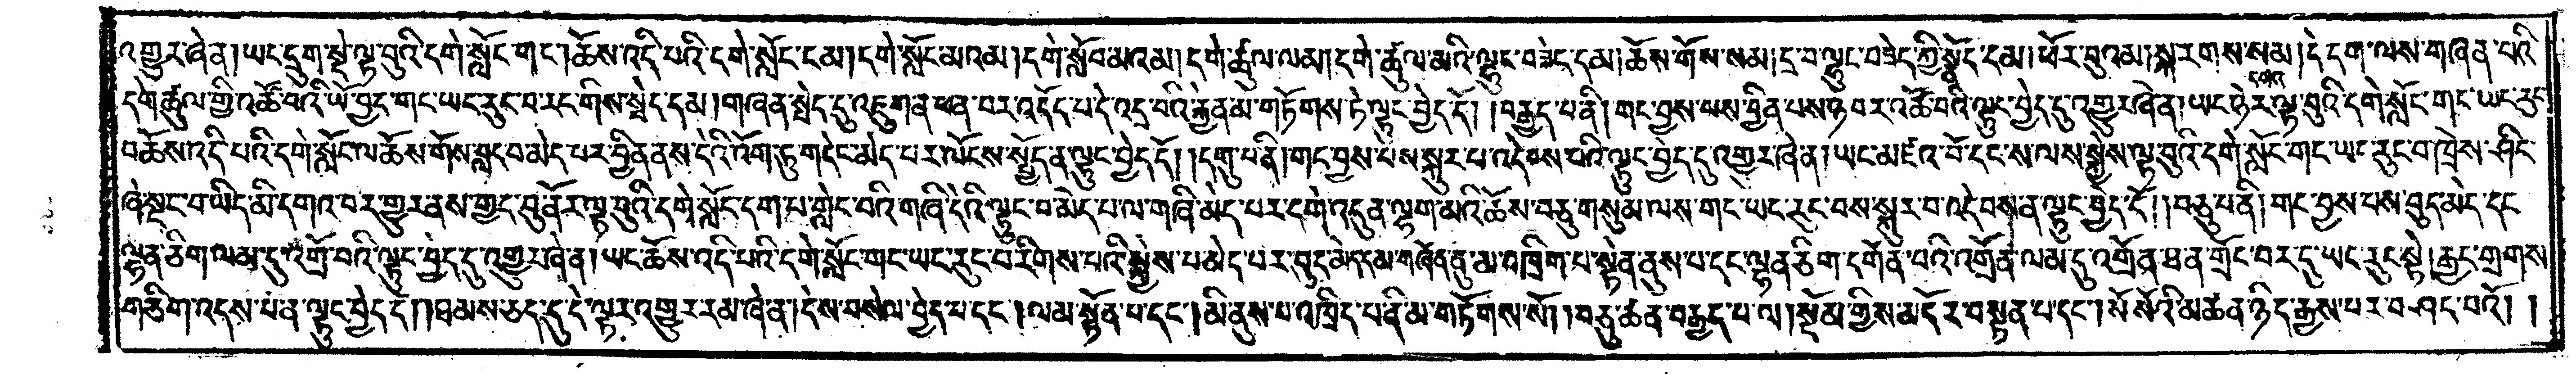འགྱུར་ཞེ་ན། ཡང་དྲུག་སྡེ་ལྟ་བུའི་དགེ་སློང་གང་། ཆོས་འདི་པའི་དགེ་སློང་ངམ། དགེ་སློང་མའམ། དགེ་སློང་མའམ། དགེ་ཚུལ་ལམ། དགེ་ཚུལ་མའི་ལྟུང་བཟེད་དམ། ཆོས་གོས་སམ། དྲ་བ་ལྟུང་བཟེད་ཀྱི་སྣོད་དམ། ཕོར་བུའམ། སྐ་རགས་དགའ་སམ། དེ་དག་ལས་གཞན་པའི་
དགེ་ཚུལ་གྱི་འཚོ་བའི་ཡོ་བྱང་གང་ཡང་རུང་བ་རང་གིས་སྦེད་དམ། གཞན་སྤེད་དུ་འཇུག་ན་ཕན་བར་འདོད་པ་དེ་འདྲ་བའི་རྐྱེན་མ་གཏོགས་ཏེ་ལྟུང་བྱེད་དོ། །བརྒྱད་པ་ནི། གང་བྱས་པས་བྱིན་པས་ཉ་བར་འཚོ་བའི་ལྟུང་བྱེད་དུ་འགྱུར་ཞེ་ན། ཡང་ཉེར་ལྟ་བུའི་དགེ་སློང་གང་ཡང་རུང་
བ་ཆོས་འདི་པའི་དགེ་སློང་ལ་ཆོས་གོས་བླང་བ་མེད་པར་བྱིན་ནས་དེའི་འོག་ཏུ་གདེང་མེད་པར་ལོངས་སྤྱོད་ན་ལྟུང་བྱེད་དོ། །དགུ་པ་ནི། གང་བྱས་པས་སྐུར་པ་འདེབས་པའི་ལྟུང་བྱེད་དུ་འགྱུར་ཞེ་ན། ཡང་མཛའ་བོ་དང་ས་ལས་སྐྱེས་ལྟ་བུའི་དགེ་སློང་གང་ཡང་རུང་བ་ཁྲེས་ཤིང་
ཞེ་སྡང་བ་ཡིད་མི་དགའ་བར་གྱུར་ནས་གྱད་བུ་ནོར་ལྟ་བུའི་དགེ་སློང་དག་པ་གླེང་བའི་གཞི་དེའི་ལྟུང་བ་མེད་པ་ལ་གཞི་མེད་པར་དགེ་འདུན་ལྷག་མའི་ཆོས་བཅུ་གསུམ་ལས་གང་ཡང་རུང་བས་སྐུར་བ་འདེབས་ན་ལྟུང་བྱེད་དོ། །བཅུ་པ་ནི། གང་བྱས་པས་བུད་མེད་དང་
ལྷན་ཅིག་ལམ་དུ་འགྲོ་བའི་ལྟུང་བྱེད་དུ་འགྱུར་ཞེ་ན། ཡང་ཆོས་འདི་པའི་དགེ་སློང་གང་ཡང་རུང་བ་རིགས་པའི་སྐྱེས་པ་མེད་པར་བུད་མེད་དམ་གཞོན་ནུ་མ་འཁྲིག་པ་སྟེན་ནུས་པ་དང་ལྷན་ཅིག་དགོན་པའི་འགྲོན་ལམ་དུ་འགྲོན་ཐ་ན་གྲོང་བར་དུ་ཡང་རུང་སྟེ། རྒྱད་གྲགས་
གཅིག་འདས་པ་ན་ལྟུང་བྱེད་དེ། །ཐམས་ཅད་དུ་དེ་ལྟར་འགྱུར་རམ་ཞེ་ན། དེས་བསེལ་བྱེད་པ་དང་། ལམ་སྟོན་པ་དང་། མི་ནུས་པ་འཁྲིད་པ་ནི་མ་གཏོགས་ཨོས། །བཅུ་ཚན་བརྒྱད་པ་ལ། སྔོམ་གྱིས་མདོར་བསྟན་པ་དང་། སོ་སོའི་མཚན་ཉིད་རྒྱས་པར་བཤད་པའོ། །